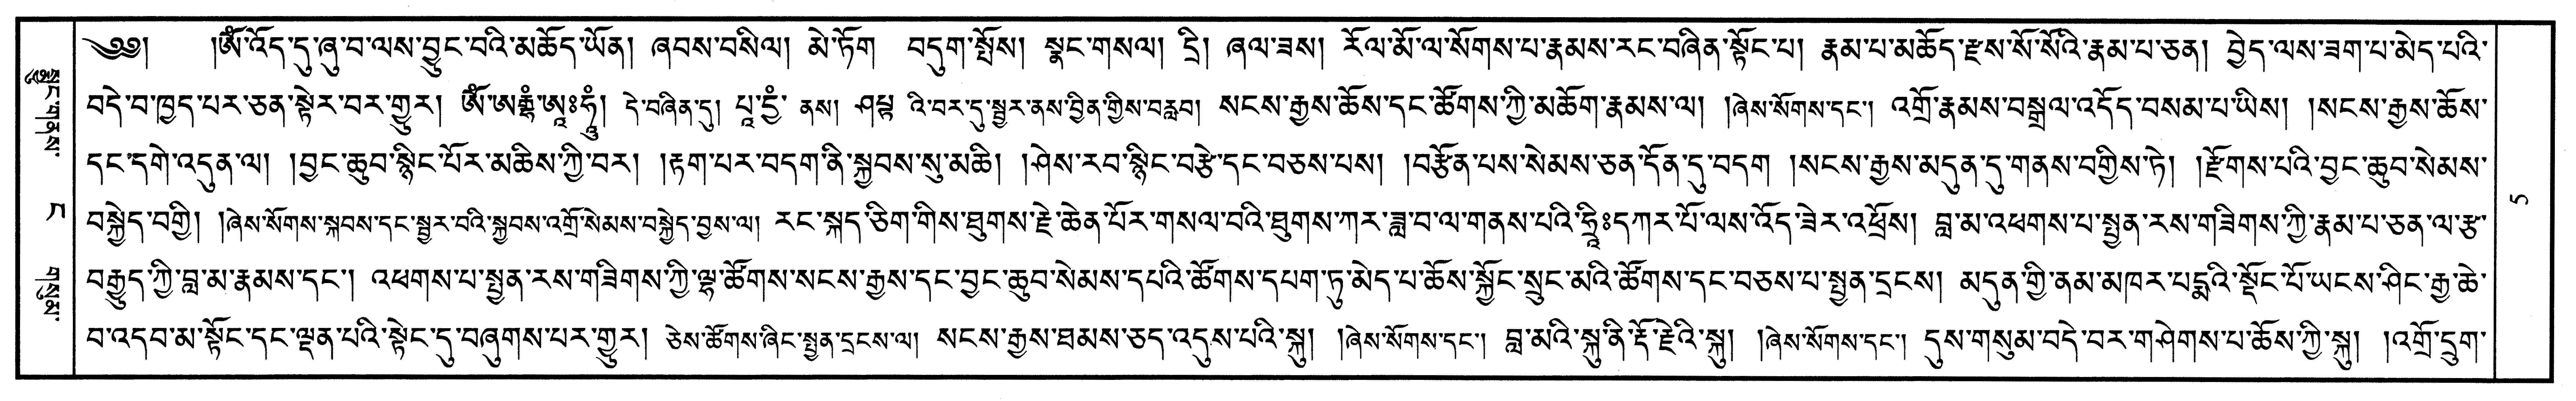༄༅། །ཨོཾ་འོད་དུ་ཞུ་བ་ལས་བྱུང་བའི་མཆོད་ཡོན། ཞབས་བསིལ། མེ་ཏོག་བདུག་སྤོས། སྣང་གསལ། དྲི། ཞལ་ཟས། རོལ་མོ་ལ་སོགས་པ་རྣམས་རང་བཞིན་སྟོང་པ། རྣམ་པ་མཆོད་རྫས་སོ་སོའི་རྣམ་པ་ཅན། བྱེད་ལས་ཟག་པ་མེད་པའི་
བདེ་བ་ཁྱད་པར་ཅན་སྟེར་བར་གྱུར། ཨོཾ་ཨརྒྷཾ་ཨཱཿ ཧཱུཾ། དེ་བཞིན་དུ། པཱ་དྱཾ་ནས། ཤཔྟའི་བར་དུ་སྦྱར་ནས་བྱིན་གྱིས་བརླབ། སངས་རྒྱས་ཆོས་དང་ཚོགས་ཀྱི་མཆོག་རྣམས་ལ། །ཞེས་སོགས་དང་། འགྲོ་རྣམས་བསྒྲལ་འདོད་བསམ་པ་ཡིས། །སངས་རྒྱས་ཆོས་
དང་དགེ་འདུན་ལ། །བྱང་ཆུབ་སྙིང་པོར་མཆིས་ཀྱི་བར། །རྟག་པར་བདག་ནི་སྐྱབས་སུ་མཆི། །ཤེས་རབ་སྙིང་བརྩེ་དང་བཅས་པས། །བརྩོན་པས་སེམས་ཅན་དོན་དུ་བདག །སངས་རྒྱས་མདུན་དུ་གནས་བགྱིས་ཏེ། །རྫོགས་པའི་བྱང་ཆུབ་སེམས་
བསྐྱེད་བགྱི། །ཞེས་སོགས་སྐབས་དང་སྦྱར་བའི་སྐྱབས་འགྲོ་སེམས་བསྐྱེད་བྱས་ལ། རང་སྐད་ཅིག་གིས་ཐུགས་རྗེ་ཆེན་པོར་གསལ་བའི་ཐུགས་ཀར་ཟླ་བ་ལ་གནས་པའི་ཧྲཱིཿ དཀར་པོ་ལས་འོད་ཟེར་འཕྲོས། བླ་མ་འཕགས་པ་སྤྱན་རས་གཟིགས་ཀྱི་རྣམ་པ་ཅན་ལ་རྩ་
བརྒྱུད་ཀྱི་བླ་མ་རྣམས་དང་། འཕགས་པ་སྤྱན་རས་གཟིགས་ཀྱི་ལྷ་ཚོགས་སངས་རྒྱས་དང་བྱང་ཆུབ་སེམས་དཔའི་ཚོགས་དཔག་ཏུ་མེད་པ་ཆོས་སྐྱོང་སྲུང་མའི་ཚོགས་དང་བཅས་པ་སྤྱན་དྲངས། མདུན་གྱི་ནམ་མཁར་པདམའི་སྡོང་པོ་ཡངས་ཤིང་རྒྱ་ཆེ་
བ་འདབ་མ་སྟོང་དང་ལྡན་པའི་སྟེང་དུ་བཞུགས་པར་གྱུར། ཅེས་ཚོགས་ཞིང་སྤྱན་དྲངས་ལ། སངས་རྒྱས་ཐམས་ཅད་འདུས་པའི་སྐུ། །ཞེས་སོགས་དང་། བླ་མའི་སྐུ་ནི་རྡོ་རྗེའི་སྐུ། །ཞེས་སོགས་དང་། དུས་གསུམ་བདེ་བར་གཤེགས་པ་ཆོས་ཀྱི་སྐུ། །འགྲོ་དྲུག་